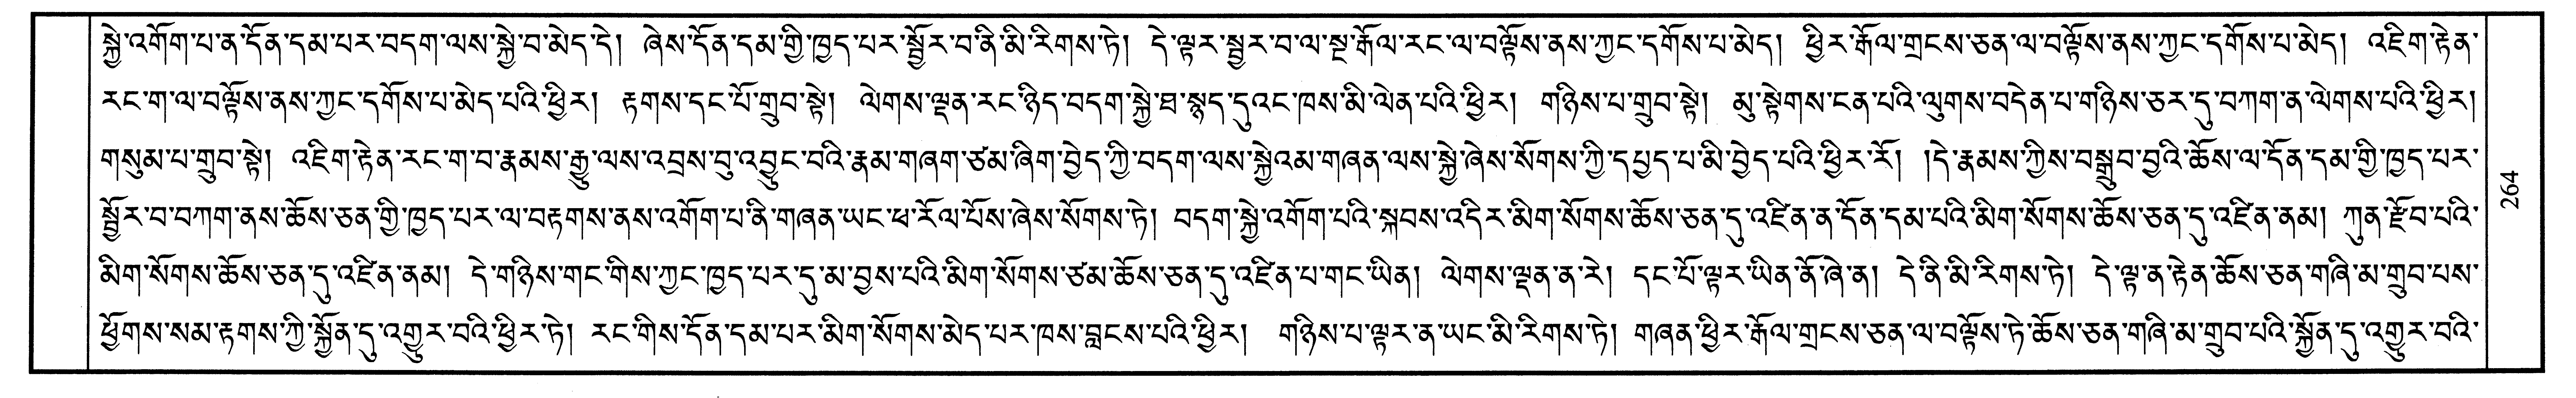སྐྱེ་འགོག་པ་ན་དོན་དམ་པར་བདག་ལས་སྐྱེ་བ་མེད་དེ། ཞེས་དོན་དམ་གྱི་ཁྱད་པར་སྦྱོར་བ་ནི་མི་རིགས་ཏེ། དེ་ལྟར་སྦྱར་བ་ལ་སྔ་རྒོལ་རང་ལ་བལྟོས་ནས་ཀྱང་དགོས་པ་མེད། ཕྱིར་རྒོལ་གྲངས་ཅན་ལ་བལྟོས་ནས་ཀྱང་དགོས་པ་མེད། འཇིག་རྟེན་
རང་ག་ལ་བལྟོས་ནས་ཀྱང་དགོས་པ་མེད་པའི་ཕྱིར། རྟགས་དང་པོ་གྲུབ་སྟེ། ལེགས་ལྡན་རང་ཉིད་བདག་སྐྱེ་ཐ་སྙད་དུའང་ཁས་མི་ལེན་པའི་ཕྱིར། གཉིས་པ་གྲུབ་སྟེ། མུ་སྟེགས་ངན་པའི་ལུགས་བདེན་པ་གཉིས་ཅར་དུ་བཀག་ན་ལེགས་པའི་ཕྱིར།
གསུམ་པ་གྲུབ་སྟེ། འཇིག་རྟེན་རང་ག་བ་རྣམས་རྒྱུ་ལས་འབྲས་བུ་འབྱུང་བའི་རྣམ་གཞག་ཙམ་ཞིག་བྱེད་ཀྱི་བདག་ལས་སྐྱེའམ་གཞན་ལས་སྐྱེ་ཞེས་སོགས་ཀྱི་དཔྱད་པ་མི་བྱེད་པའི་ཕྱིར་རོ། །དེ་རྣམས་ཀྱིས་བསྒྲུབ་བྱའི་ཆོས་ལ་དོན་དམ་གྱི་ཁྱད་པར་
སྦྱོར་བ་བཀག་ནས་ཆོས་ཅན་གྱི་ཁྱད་པར་ལ་བརྟགས་ནས་འགོག་པ་ནི་གཞན་ཡང་ཕ་རོལ་པོས་ཞེས་སོགས་ཏེ། བདག་སྐྱེ་འགོག་པའི་སྐབས་འདིར་མིག་སོགས་ཆོས་ཅན་དུ་འཛིན་ན་དོན་དམ་པའི་མིག་སོགས་ཆོས་ཅན་དུ་འཛིན་ནམ། ཀུན་རྫོབ་པའི་
མིག་སོགས་ཆོས་ཅན་དུ་འཛིན་ནམ། དེ་གཉིས་གང་གིས་ཀྱང་ཁྱད་པར་དུ་མ་བྱས་པའི་མིག་སོགས་ཙམ་ཆོས་ཅན་དུ་འཛིན་པ་གང་ཡིན། ལེགས་ལྡན་ན་རེ། དང་པོ་ལྟར་ཡིན་ནོ་ཞེ་ན། དེ་ནི་མི་རིགས་ཏེ། དེ་ལྟ་ན་རྟེན་ཆོས་ཅན་གཞི་མ་གྲུབ་པས་
ཕྱོགས་སམ་རྟགས་ཀྱི་སྐྱོན་དུ་འགྱུར་བའི་ཕྱིར་ཏེ། རང་གིས་དོན་དམ་པར་མིག་སོགས་མེད་པར་ཁས་བླངས་པའི་ཕྱིར། གཉིས་པ་ལྟར་ན་ཡང་མི་རིགས་ཏེ། གཞན་ཕྱིར་རྒོལ་གྲངས་ཅན་ལ་བལྟོས་ཏེ་ཆོས་ཅན་གཞི་མ་གྲུབ་པའི་སྐྱོན་དུ་འགྱུར་བའི་